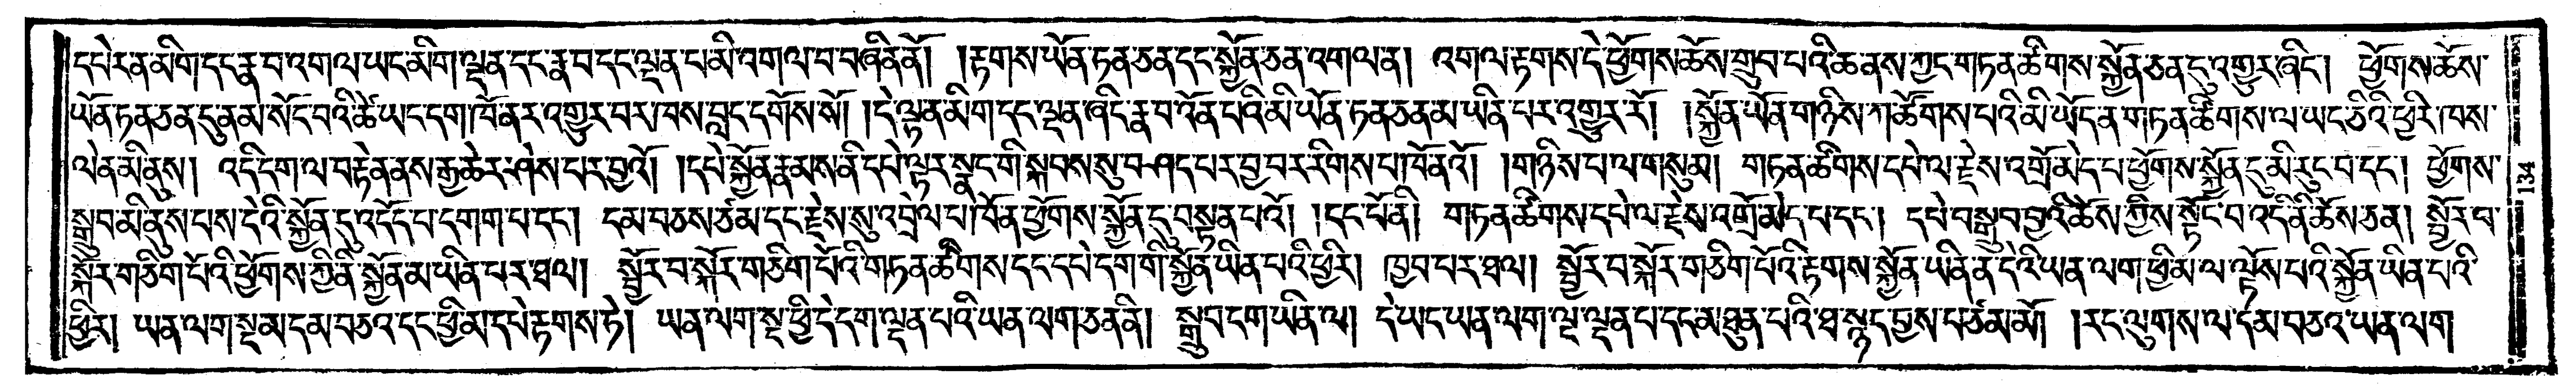དཔེར་ན་མིག་དང་རྣ་བ་འགལ་ཡང་མིག་ལྡན་དང་རྣ་བ་དང་ལྡན་པ་མི་འགལ་བ་བཞིན་ནོ། །རྟགས་ཡོན་ཏན་ཅན་དང་སྐྱོན་ཅན་འགལ་ན། འགལ་རྟགས་དེ་ཕྱོགས་ཆོས་གྲུབ་པའི་ཆ་ནས་ཀྱང་གཏན་ཚིགས་སྐྱོན་ཅན་དུ་འགྱུར་ཞིང་། ཕྱོགས་ཆོས་
ཡོན་ཏན་ཅན་དུ་ནམ་སོང་བའི་ཚེ་ཡང་དག་ཁོ་ནར་འགྱུར་བར་ཁས་བླང་དགོས་སོ། །དེ་ལྟ་ན་མིག་དང་ལྡན་ཞིང་རྣ་བ་འོན་པའི་མི་ཡོན་ཏན་ཅན་མ་ཡིན་པར་འགྱུར་རོ། །སྐྱོན་ཡོན་གཉིས་ཀ་ཚོགས་པའི་མི་ཡོད་ན་གཏན་ཚིགས་ལ་ཡང་ཅིའི་ཕྱིར་ཁས་
ལེན་མི་ནུས། འདི་དག་ལ་བརྟེན་ནས་རྒྱ་ཆེར་ཤེས་པར་བྱའོ། །དཔེ་སྐྱོན་རྣམས་ནི་དཔེ་ལྟར་སྣང་གི་སྐབས་སུ་བཤད་པར་བྱ་བར་རིགས་པ་ཁོ་ནའོ། །གཉིས་པ་ལ་གསུམ། གཏན་ཚིགས་དཔེ་ལ་རྗེས་འགྲོ་མེད་པ་ཕྱོགས་སྐྱོན་དུ་མི་རུང་བ་དང་། ཕྱོགས་
སྒྲུབ་མི་ནུས་པས་དེའི་སྐྱོན་དུ་འདོད་པ་དགག་པ་དང་། དམ་བཅས་ཙམ་དང་རྗེས་སུ་འབྲེལ་བ་ཁོ་ན་ཕྱོགས་སྐྱོན་དུ་བསྟན་པའོ། །དང་པོ་ནི། གཏན་ཚིགས་དཔེ་ལ་རྗེས་འགྲོ་མེད་པ་དང་། དཔེ་བསྒྲུབ་བྱའི་ཆོས་ཀྱིས་སྟོང་བ་འདི་ནི་ཆོས་ཅན། སྦྱོར་བ་
སྐོར་གཅིག་པོའི་ཕྱོགས་ཀྱི་ནི་སྐྱོན་མ་ཡིན་པར་ཐལ། སྦྱོར་བ་སྐོར་གཅིག་པོའི་གཏན་ཚིགས་དང་དཔེ་དག་གི་སྐྱོན་ཡིན་པའི་ཕྱིར། ཁྱབ་པར་ཐལ། སྦྱོར་བ་སྐོར་གཅིག་པོའི་རྟགས་སྐྱོན་ཡིན་ན་དེའི་ཡན་ལག་ཕྱི་མ་ལ་ལྟོས་པའི་སྐྱོན་ཡིན་པའི་
ཕྱིར། ཡན་ལག་སྔ་མ་དམ་བཅའ་དང་ཕྱི་མ་དཔེ་རྟགས་ཏེ། ཡན་ལག་སྔ་ཕྱི་དེ་དག་ལྡན་པའི་ཡན་ལག་ཅན་ནི། སྒྲུབ་དག་ཡིན་ལ། དེ་ཡང་ཡན་ལག་ལྔ་ལྡན་པ་དང་མཐུན་པའི་ཐ་སྙད་བྱས་པ་ཙམ་མོ། །རང་ལུགས་ལ་དམ་བཅའ་ཡན་ལག་